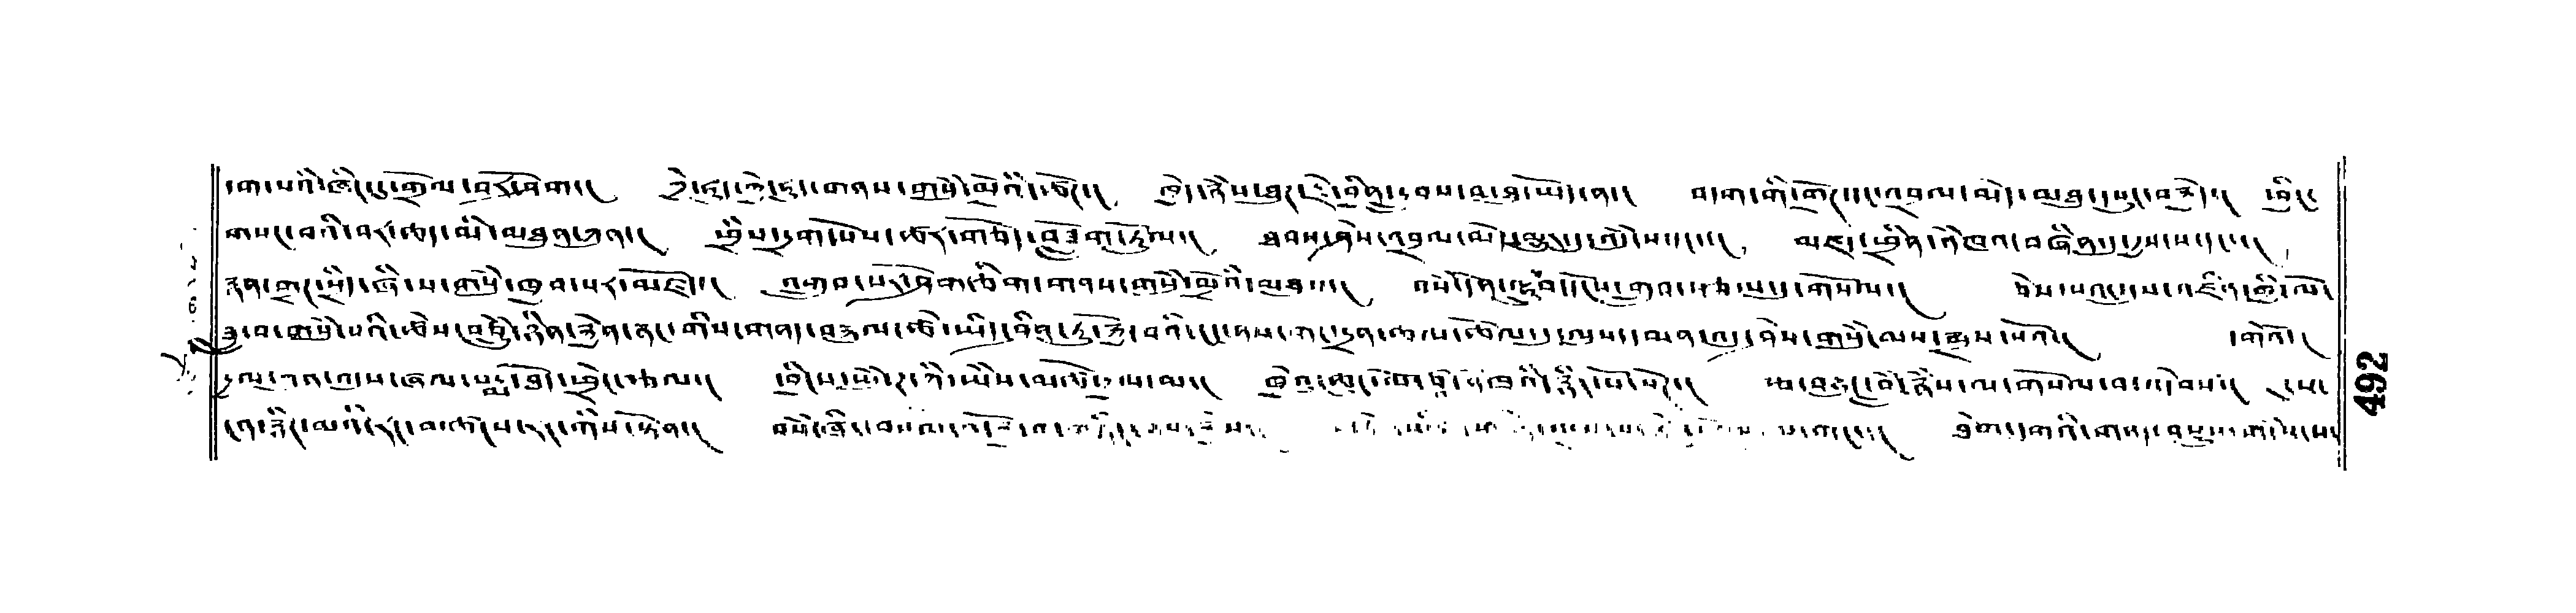དག་པའི་ཞིང་དུ་གྲོལ་བར་ཤོག །ཀྱེ་ཧུད་ཀྱེ་ཧུད་གནས་གསུམ་མཁའ་འགྲོའི་ཚོགས། ཁྱེད་རྣམས་ཐུགས་རྗེ་བྱིན་རླབས་མཐུ་ཡོད་ན། །བདག་གི་གྲོགས་དང་འབྲལ་མེད་མཐུ་དཔུང་བསྐྱེད། །ཕྱི་ནང་
གསང་བའི་བར་ཆད་མི་མཐུན་ཀུན། །ཕྲིན་ལས་དྲག་པོས་ཚར་གཅོད་བཟློག་ཏུ་གསོལ། །ཐབས་ཤེས་འབྲལ་མེད་མྱུར་དུ་འདུམ་པ་དང་། །མཛད་ཕྲིན་ནམ་མཁའ་བཞིན་དུ་རྒྱས་པ་དང་། །
སྙན་གྲགས་སྲིད་ཞི་ས་གསུམ་ཁྱབ་པར་མཛོད། །འགྲུབ་པར་ཤོག་ཅིག་གནས་གསུམ་མཁའ་འགྲོའི་མཐུས། །བསམ་དོན་ལྷུན་གྲུབ་དངོས་གྲུབ་བསྩལ་དུ་གསོལ།ཅེས་པའང་དུས་འཛིན་ཁྱི་ལོ་
ཟླ་བ་གསུམ་པའི་ཚེས་བཅུ་གསུམ་ཉིན་རྐྱེན་སྣང་གིས་གནད་བསྐུལ་ཚེ་ཡིད་ཤིན་ཏུ་སྐྱོ་བའི་ངང་ནས་གང་དྲན་ཆལ་ཆོལ་དུ་ལུས་དམན་འདུ་ཤེས་གསུམ་མས་སྨྲས་པའོ།། དགེའོ།། ༈ 
རྒྱལ་ཀུན་འདུས་ཞལ་པདྨ་ཐོད་ཕྲེང་རྩལ། །དབྱིངས་ཡུམ་ཌཱ་ཀི་ཡེ་ཤེས་མཚོ་རྒྱལ་མ། ཁྱེའུ་ཆུང་ལོ་ཙཱ་ནམ་མཁའི་སྙིང་པོ་སོགས། །རྩ་བརྒྱུད་བླ་མ་རྣམས་ལ་གསོལ་བ་འདེབས། །དུས་
ངན་སྙིགས་མའི་རང་མཚང་རང་གིས་སྟོན། །བསམ་ཞིང་བསམ་ན་སྐྱོ་བ་གཏིང་ནས་སྐྱེས། །གཏེར་མིན་གཏེར་འདྲས་ས་སྟེང་ཡོངས་ལ་གང་། །ཐེག་དགུའི་གནས་བསྡུས་གདམས་པ་